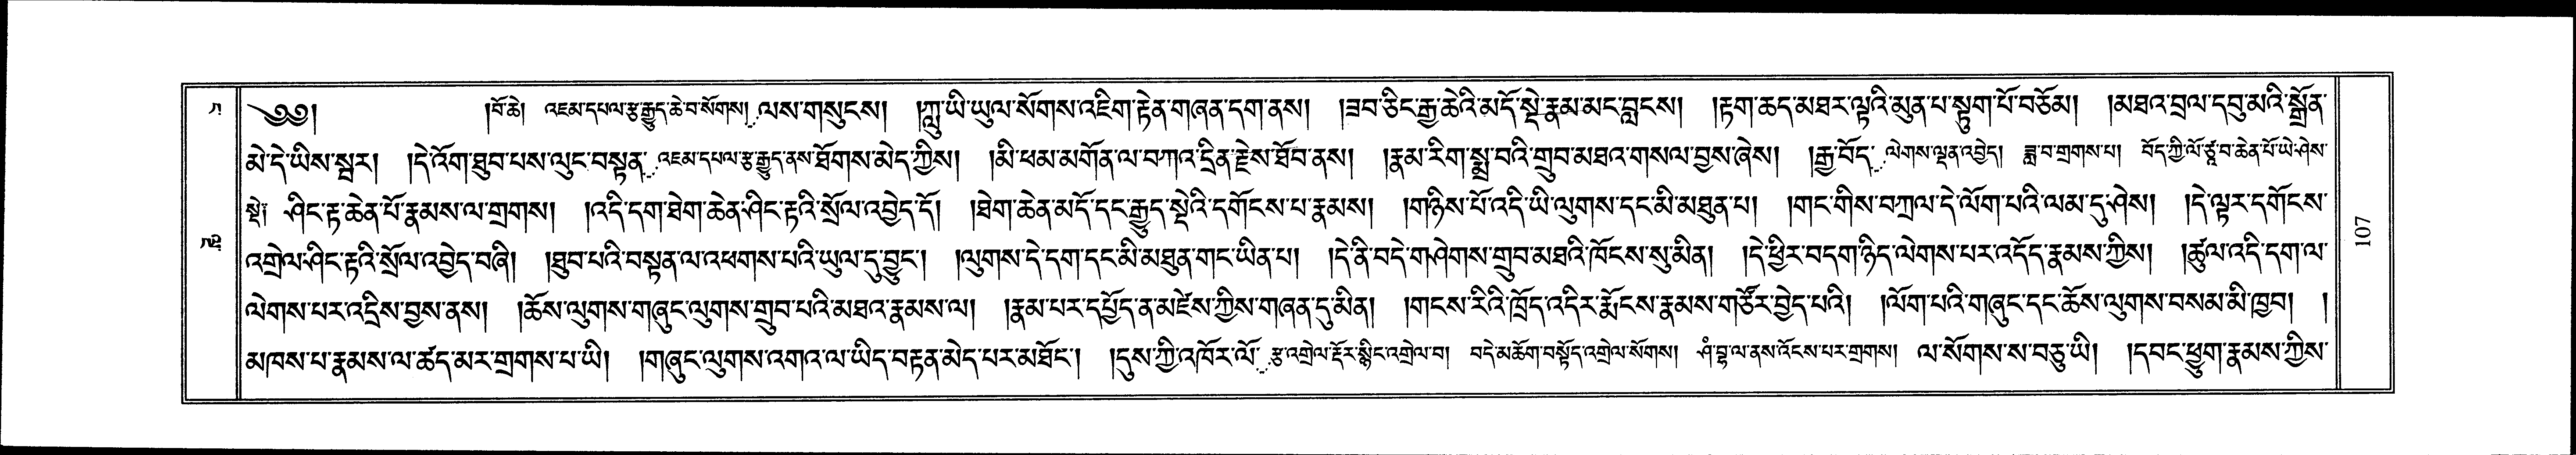༄༅། །བོ་ཆེ། འཇམ་དཔལ་རྩ་རྒྱུད་ཆེ་བ་སོགས། ལས་གསུངས། །ཀླུ་ཡི་ཡུལ་སོགས་འཇིག་རྟེན་གཞན་དག་ནས། །ཟབ་ཅིང་རྒྱ་ཆེའི་མདོ་སྡེ་རྣམ་མང་བླངས། །རྟག་ཆད་མཐར་ལྟའི་མུན་པ་སྟུག་པོ་བཅོམ། །མཐའ་བྲལ་དབུ་མའི་སྒྲོན་
མེ་དེ་ཡིས་སྦར། །དེ་འོག་ཐུབ་པས་ལུང་བསྟན་འཇམ་དཔལ་རྩ་རྒྱུད་ནས་ཐོགས་མེད་ཀྱིས། །མི་ཕམ་མགོན་ལ་བཀའ་དྲིན་རྗེས་ཐོབ་ནས། །རྣམ་རིག་སྨྲ་བའི་གྲུབ་མཐའ་གསལ་བྱས་ཞེས། །རྒྱ་བོད་ལེགས་ལྡན་འབྱེད། ཟླ་བ་གྲགས་པ། བོད་ཀྱི་ལོ་ཙཱ་བ་ཆེན་པོ་ཡེ་ཤེས་
སྡེ། ཤིང་རྟ་ཆེན་པོ་རྣམས་ལ་གྲགས། །འདི་དག་ཐེག་ཆེན་ཤིང་རྟའི་སྲོལ་འབྱེད་དོ། །ཐེག་ཆེན་མདོ་དང་རྒྱུད་སྡེའི་དགོངས་པ་རྣམས། །གཉིས་པོ་འདི་ཡི་ལུགས་དང་མི་མཐུན་པ། །གང་གིས་བཀྲལ་དེ་ལོག་པའི་ལམ་དུ་ཤེས། །དེ་ལྟར་དགོངས་
འགྲེལ་ཤིང་རྟའི་སྲོལ་འབྱེད་བཞི། །ཐུབ་པའི་བསྟན་ལ་འཕགས་པའི་ཡུལ་དུ་བྱུང་། །ལུགས་དེ་དག་དང་མི་མཐུན་གང་ཡིན་པ། །དེ་ནི་བདེ་གཤེགས་གྲུབ་མཐའི་ཁོངས་སུ་མིན། །དེ་ཕྱིར་བདག་ཉིད་ལེགས་པར་འདོད་རྣམས་ཀྱིས། །ཚུལ་འདི་དག་ལ་
ལེགས་པར་འདྲིས་བྱས་ནས། །ཆོས་ལུགས་གཞུང་ལུགས་གྲུབ་པའི་མཐའ་རྣམས་ལ། །རྣམ་པར་དཔྱོད་ན་མཛེས་ཀྱིས་གཞན་དུ་མིན། །གངས་རིའི་ཁྲོད་འདིར་རྨོངས་རྣམས་གཙོར་བྱེད་པའི། །ལོག་པའི་གཞུང་དང་ཆོས་ལུགས་བསམ་མི་ཁྱབ། །
མཁས་པ་རྣམས་ལ་ཚད་མར་གྲགས་པ་ཡི། །གཞུང་ལུགས་འགའ་ལ་ཡིད་བརྟན་མེད་པར་མཐོང་། །དུས་ཀྱི་འཁོར་ལོ་རྩ་འགྲེལ་རྡོར་སྙིང་འགྲེལ་བ། བདེ་མཆོག་བསྟོད་འགྲེལ་སོགས། ཤཾ་བྷ་ལ་ནས་འོངས་པར་གྲགས། ལ་སོགས་ས་བཅུ་ཡི། །དབང་ཕྱུག་རྣམས་ཀྱིས་